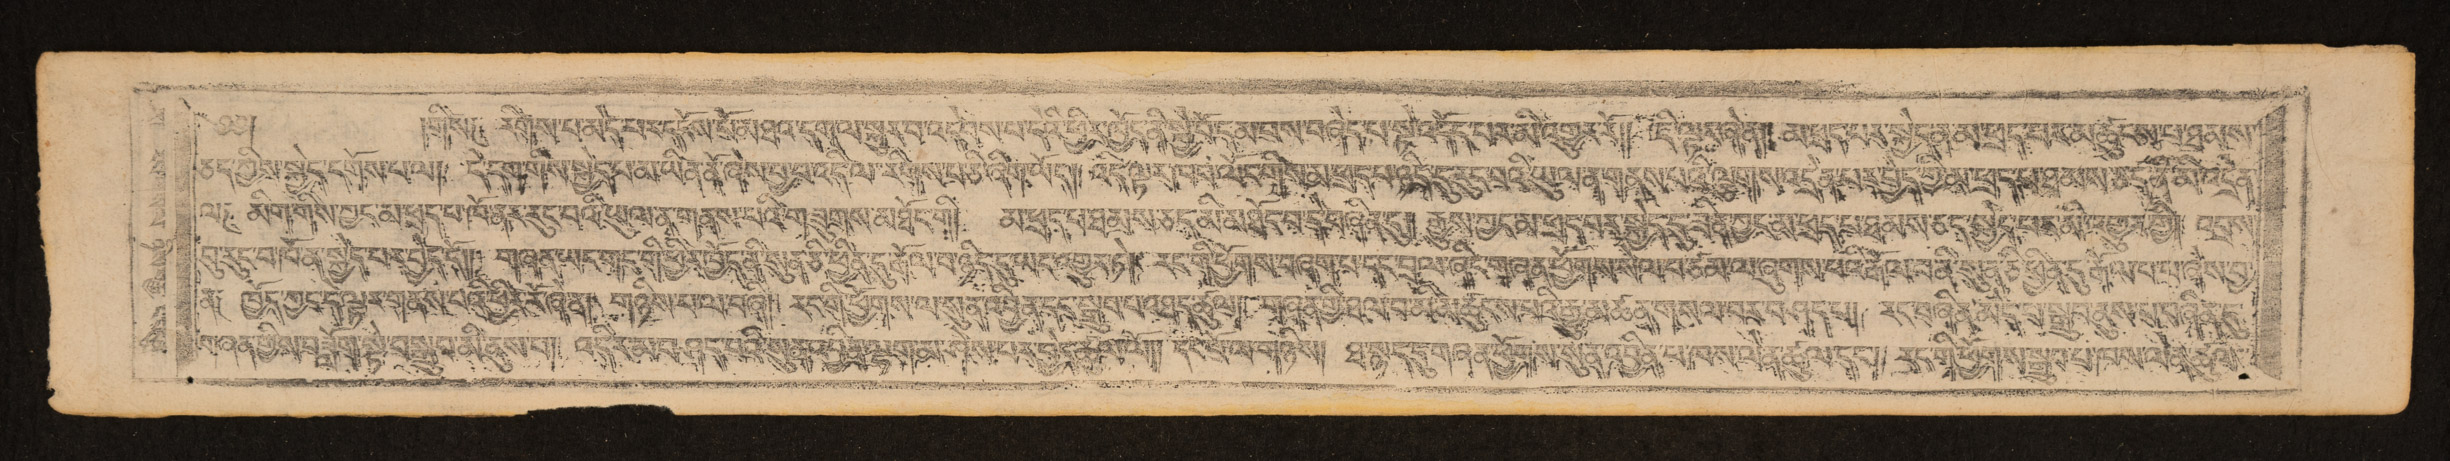༄༅། །གིས༑ རིགས་པ་མེད་པར་དངོས་པོ་མཐའ་དག་ལ་སྐུར་བ་འདེབས་པ་དེའི་ཕྱིར་ཁྱོད་ནི་སྐྱེ་བོ་དམ་པས་བཞེད་པ་སྟེ་འདོད་པར་མི་འགྱུར་རོ།། ཇི་ལྟར་ཞེ་ན། མ་ཕྲད་པར་སྐྱེད་ན་མ་ཕྲད་པར་མཚུངས་པ་ཐམས་
ཅད་ཀྱིས་སྐྱེད་དགོས་པ་ལ། དེ་དག་གིས་སྐྱེད་པ་མ་ཡིན་ནོ་ཞེས་བྱ་བ་འདི་ལ་རིགས་པ་ཅི་ཞིག་ཡོད། འདི་ལྟར་ཁབ་ལོང་གྱིས་མ་ཕྲད་པ་ཉིད་དུ་རུང་བའི་ཡུལ་ན་གནས་པའི་ལྕགས་འདྲེན་པར་བྱེད་ཀྱི་མ་ཕྲད་པ་ཐམས་ཅད་ནི་མི་འདྲེན་
ལ༑ མིག་གིས་ཀྱང་མ་ཕྲད་པ་ཁོ་ནར་རུང་བའི་ཡུལ་ན་གནས་པའི་གཟུགས་མཐོང་གི། མ་ཕྲད་པ་ཐམས་ཅད་མི་མཐོང་བ་དེ་བཞིན་དུ། རྒྱུས་ཀྱང་མ་ཕྲད་པར་སྐྱེད་དུ་ཟིན་ཀྱང་མ་ཕྲད་པ་ཐམས་ཅད་སྐྱེད་པར་མི་འགྱུར་གྱི། འབྲས་
བུ་རུང་བ་ཁོ་ན་སྐྱེད་པར་བྱེད་དོ།། གཞན་ཡང་གང་གི་ཕྱིར་ཁྱོད་ནི་སུན་ཅི་ཕྱིན་དུ་རྒོལ་བ་ཉིད་དུ་ཡང་འགྱུར་ཏེ། རང་གི་ཕྱོགས་བཞག་པ་དང་བྲལ་ཞིང་གཞན་ཕྱོགས་སེལ་བ་ཙམ་ལ་ཞུགས་པའི་རྒོལ་བ་ནི་སུན་ཅི་ཕྱིན་དུ་རྒོལ་བ་པ་ཞེས་བྱ་
ན༑ ཁྱོད་ཀྱང་དེ་ལྟར་གནས་པའི་ཕྱིར་རོ་ཞེ་ན། གཉིས་པ་ལ་བཞི། རང་གི་ཕྱོགས་ལ་སུན་འབྱིན་དང་སྒྲུབ་པ་འཐད་ཚུལ། གཞན་གྱི་ཐལ་བ་མི་མཚུངས་པའི་རྒྱུ་མཚན་གསལ་བར་བཤད་པ། རང་བཞིན་མེད་པ་བསྒྲུབ་ནུས་པ་བཞིན་དུ་
གཞན་གྱིས་བཟློག་སྟེ་བསྒྲུབ་མི་ནུས་པ། འདིར་མ་བཤད་པའི་སུན་འབྱིན་ལྷག་མ་ཤེས་པར་བྱེད་ཚུལ་ལོ།། དང་པོ་ལ་གཉིས། ཐ་སྙད་དུ་གཞན་ཕྱོགས་སུན་འབྱིན་པ་ཁས་ལེན་ཚུལ་དང་། རང་གི་ཕྱོགས་སྒྲུབ་པ་ཁས་ལེན་ཚུལ་